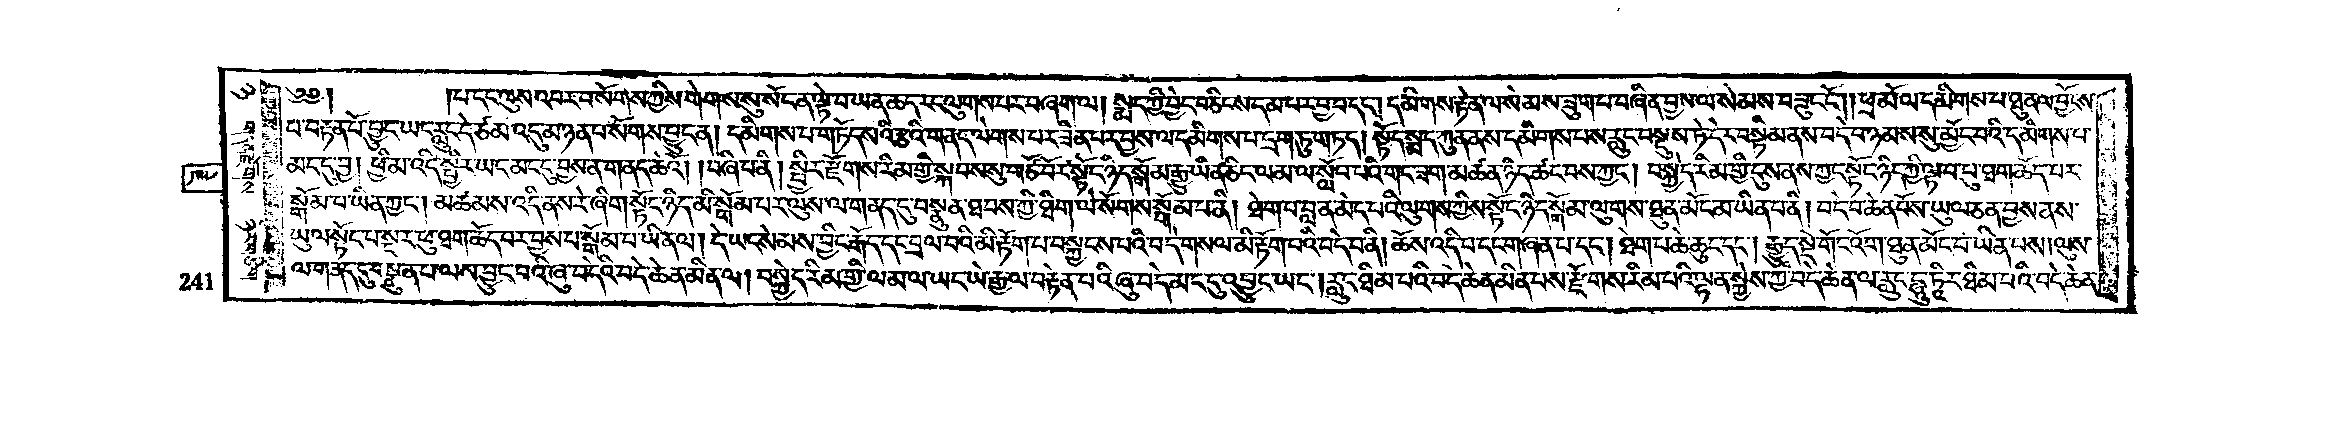༄༅། །པ་དང་ལུས་འབར་བ་སོགས་ཀྱིས་གེགས་སུ་སོང་ན་ལྟེ་བ་ཡན་ཆད་རང་ལུགས་པར་བཞག་ལ། སྨད་ཀྱི་བྱེད་བཅིངས་དམ་པར་བྱ་བ་དང་། དམིགས་རྟེན་ལ་སེམས་ཟུག་པ་བཞིན་བྱས་ལ་སེམས་བཟུང་ངོ། །ཕྲ་མོ་ལ་དམིགས་པ་ཐུན་ལ་བྱོངས་
པ་བརྟན་པོ་བྱུང་ཡང་རླུང་དེ་ཙམ་འདུ་མ་ཉན་པ་སོགས་བྱུང་ན། དམིགས་པ་གཏོད་སའི་རྩའི་གནད་ལེགས་པར་ཟིན་པར་བྱས་ལ་དམིགས་པ་དྲག་ཏུ་གཏད། སྟོད་སྨད་ཀུན་ནས་དམིགས་པས་རླུང་བསྡུས་ཏེ་དེར་བསྟིམ་ནས་བདེ་བ་ཉམས་སུ་མྱོང་བའི་དམིགས་པ་
མང་དུ་བྱ། ཕྱི་མ་འདི་སྤྱིར་ཡང་མང་དུ་བྱས་ན་གནད་ཆེའོ། །བཞི་པ་ནི། སྤྱིར་རྫོགས་རིམ་གྱི་སྐབས་སུ་གཙོ་བོར་སྟོང་ཉིད་སྒོམ་རྒྱུ་ཡིན་ཅིང་ལམ་ལ་སློབ་པའི་གང་ཟག་མཚན་ཉིད་ཚང་བས་ཀྱང་། བསྐྱེད་རིམ་གྱི་དུས་ནས་ཀྱང་སྟོང་ཉིད་ཀྱི་ལྟ་བ་ཕུ་ཐག་ཆོད་པར་
སྒོམ་པ་ཡིན་ཀྱང་། མཚམས་འདི་ནས་རེ་ཞིག་སྟོང་ཉིད་མི་སྒོམ་པར་ལུས་ལ་གནད་དུ་བསྣུན་ཐབས་ཀྱི་ཐིག་ལེ་སོགས་སྒོམ་པ་ནི། ཐེག་པ་བླ་ན་མེད་པའི་ལུགས་ཀྱིས་སྟོང་ཉིད་སྒོམ་ལུགས་ཐུན་མོང་མ་ཡིན་པ་ནི། བདེ་བ་ཆེན་པོས་ཡུལ་ཅན་བྱས་ནས་
ཡུལ་སྟོང་པ་སྔར་ཕུ་ཐག་ཆོད་པར་བྱས་པ་སྒོམ་པ་ཡིན་ལ། དེ་ཡང་སེམས་བྱིང་རྒོད་དང་བྲལ་བའི་མི་རྟོག་པ་བསྐྱངས་པའི་བདེ་གསལ་མི་རྟོག་པའི་བདེ་བ་ནི། ཆོས་འདི་པ་དང་གཞན་པ་དང་། ཐེག་པ་ཆེ་ཆུང་དང་། རྒྱུད་སྡེ་གོང་འོག་ཐུན་མོང་བ་ཡིན་པས། ལུས་
ལ་གནད་དུ་བསྣུན་པ་ལས་བྱུང་བའི་ཞུ་བདེའི་བདེ་ཆེན་མིན་ལ། བསྐྱེད་རིམ་གྱི་ལམ་ལ་ཡང་ཡེ་རྒྱ་ལ་བརྟེན་པའི་ཞུ་བདེ་མང་དུ་འབྱུང་ཡང་། རླུང་ཐིམ་པའི་བདེ་ཆེན་མིན་པས་རྫོགས་རིམ་པའི་ལྷན་སྐྱེས་ཀྱི་བདེ་ཆེན་ལ་རླུང་དྷཱུ་ཏཱིར་ཐིམ་པའི་བདེ་ཆེན་